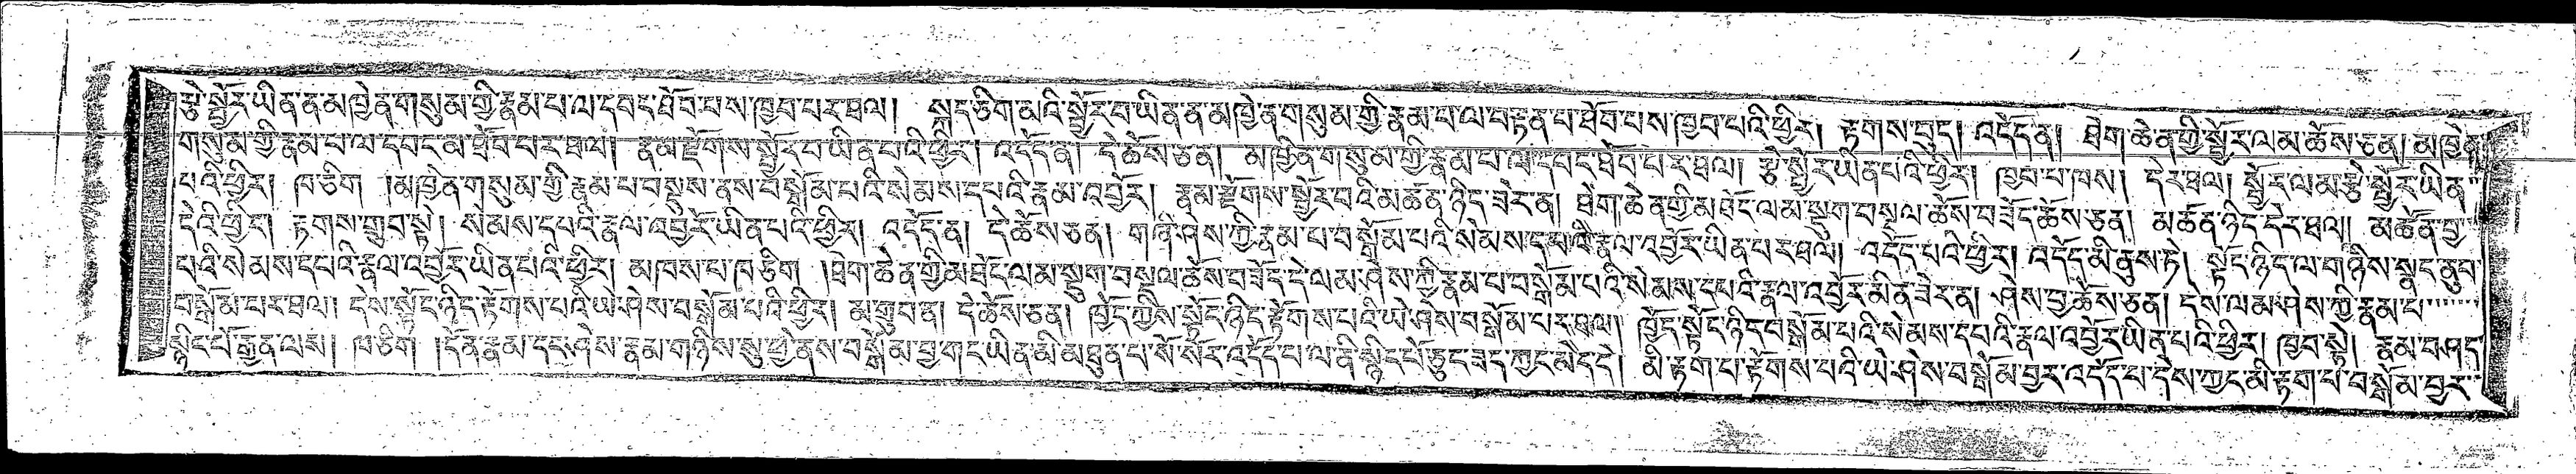རྩེ་སྦྱོར་ཡིན་ན་མཁྱེན་གསུམ་གྱི་རྣམ་པ་ལ་དབང་ཐོབ་པས་ཁྱབ་པར་ཐལ། སྐད་ཅིག་མའི་སྦྱོར་བ་ཡིན་ན་མཁྱེན་གསུམ་གྱི་རྣམ་པ་ལ་བརྟན་པ་ཐོབ་པས་ཁྱབ་པའི་ཕྱིར། རྟགས་བུད། འདོད་ན། ཐེག་ཆེན་གྱི་སྦྱོར་ལམ་ཆོས་ཅན། མཁྱེན་
གསུམ་གྱི་རྣམ་པ་ལ་དབང་མ་ཐོབ་པར་ཐལ། རྣམ་རྫོགས་སྦྱོར་བ་ཡིན་པའི་ཕྱིར། འདོད་ན། དེ་ཆོས་ཅན། མཁྱེན་གསུམ་གྱི་རྣམ་པ་ལ་དབང་ཐོབ་པར་ཐལ། རྩེ་སྦྱོར་ཡིན་པའི་ཕྱིར། ཁྱབ་པ་ཁས། དེར་ཐལ། སྦྱོར་ལམ་རྩེ་སྦྱོར་ཡིན་
པའི་ཕྱིར། ཁ་ཅིག །མཁྱེན་གསུམ་གྱི་རྣམ་པ་བསྡུས་ནས་བསྒོམ་པའི་སེམས་པའི་རྣམ་འབྱོར། རྣམ་རྫོགས་སྦྱོར་བའི་མཚན་ཉིད་ཟེར་ན། ཐེག་ཆེན་གྱི་མཐོང་ལམ་སྡུག་བསྔལ་ཆོས་བཟོད་ཆོས་ཅན། མཚན་ཉིད་དེར་ཐལ། མཚོན་བྱ་
དེའི་ཕྱིར། རྟགས་གྲུབ་སྟེ། སེམས་དཔའི་རྣལ་འབྱོར་ཡིན་པའི་ཕྱིར། འདོད་ན། དེ་ཆོས་ཅན། གཞི་ཤེས་ཀྱི་རྣམ་པ་བསྒོམ་པའི་སེམས་དཔའི་རྣལ་འབྱོར་ཡིན་པར་ཐལ། འདོད་པའི་ཕྱིར། འདོད་མི་ནུས་ཏེ། སྟོང་ཉིད་ལ་གཉིས་སྣང་ནུབ་
པའི་སེམས་དཔའི་རྣལ་འབྱོར་ཡིན་པའི་ཕྱིར། མཁས་པ་ཁ་ཅིག །ཐེག་ཆེན་གྱི་མཐོང་ལམ་སྡུག་བསྔལ་ཆོས་བཟོད་དེ་ལམ་ཤེས་ཀྱི་རྣམ་པ་བསྒོམ་པའི་སེམས་དཔའི་རྣལ་འབྱོར་མིན་ཟེར་ན། ཤེས་བྱ་ཆོས་ཅན། དེས་ལམ་ཤེས་ཀྱི་རྣམ་པ་
བསྒོམ་པར་ཐལ། དེས་སྟོང་ཉིད་རྟོགས་པའི་ཡེ་ཤེས་བསྒོམ་པའི་ཕྱིར། མ་གྲུབ་ན། དེ་ཆོས་ཅན། ཁྱོད་ཀྱིས་སྟོང་ཉིད་རྟོགས་པའི་ཡེ་ཤེས་བསྒོམ་པར་ཐལ། ཁྱོད་སྟོང་ཉིད་བསྒོམ་པའི་སེམས་དཔའི་རྣལ་འབྱོར་ཡིན་པའི་ཕྱིར། ཁྱབ་སྟེ། རྣམ་བཤད་
སྙིང་པོ་རྒྱན་ལས། ཁ་ཅིག །དོན་རྣམ་དང་ཤེས་རྣམ་གཉིས་སུ་ཕྱེ་ནས་བསྒོམ་བྱ་གང་ཡིན་མི་མཐུན་པ་སོ་སོར་འདོད་པ་ལ་ནི་སྙིང་པོ་ཅུང་ཟད་ཀྱང་མེད་དེ། མི་རྟག་པ་རྟོགས་པའི་ཡེ་ཤེས་བསྒོམ་བྱར་འདོད་པ་དེས་ཀྱང་མི་རྟག་པ་བསྒོམ་བྱར་